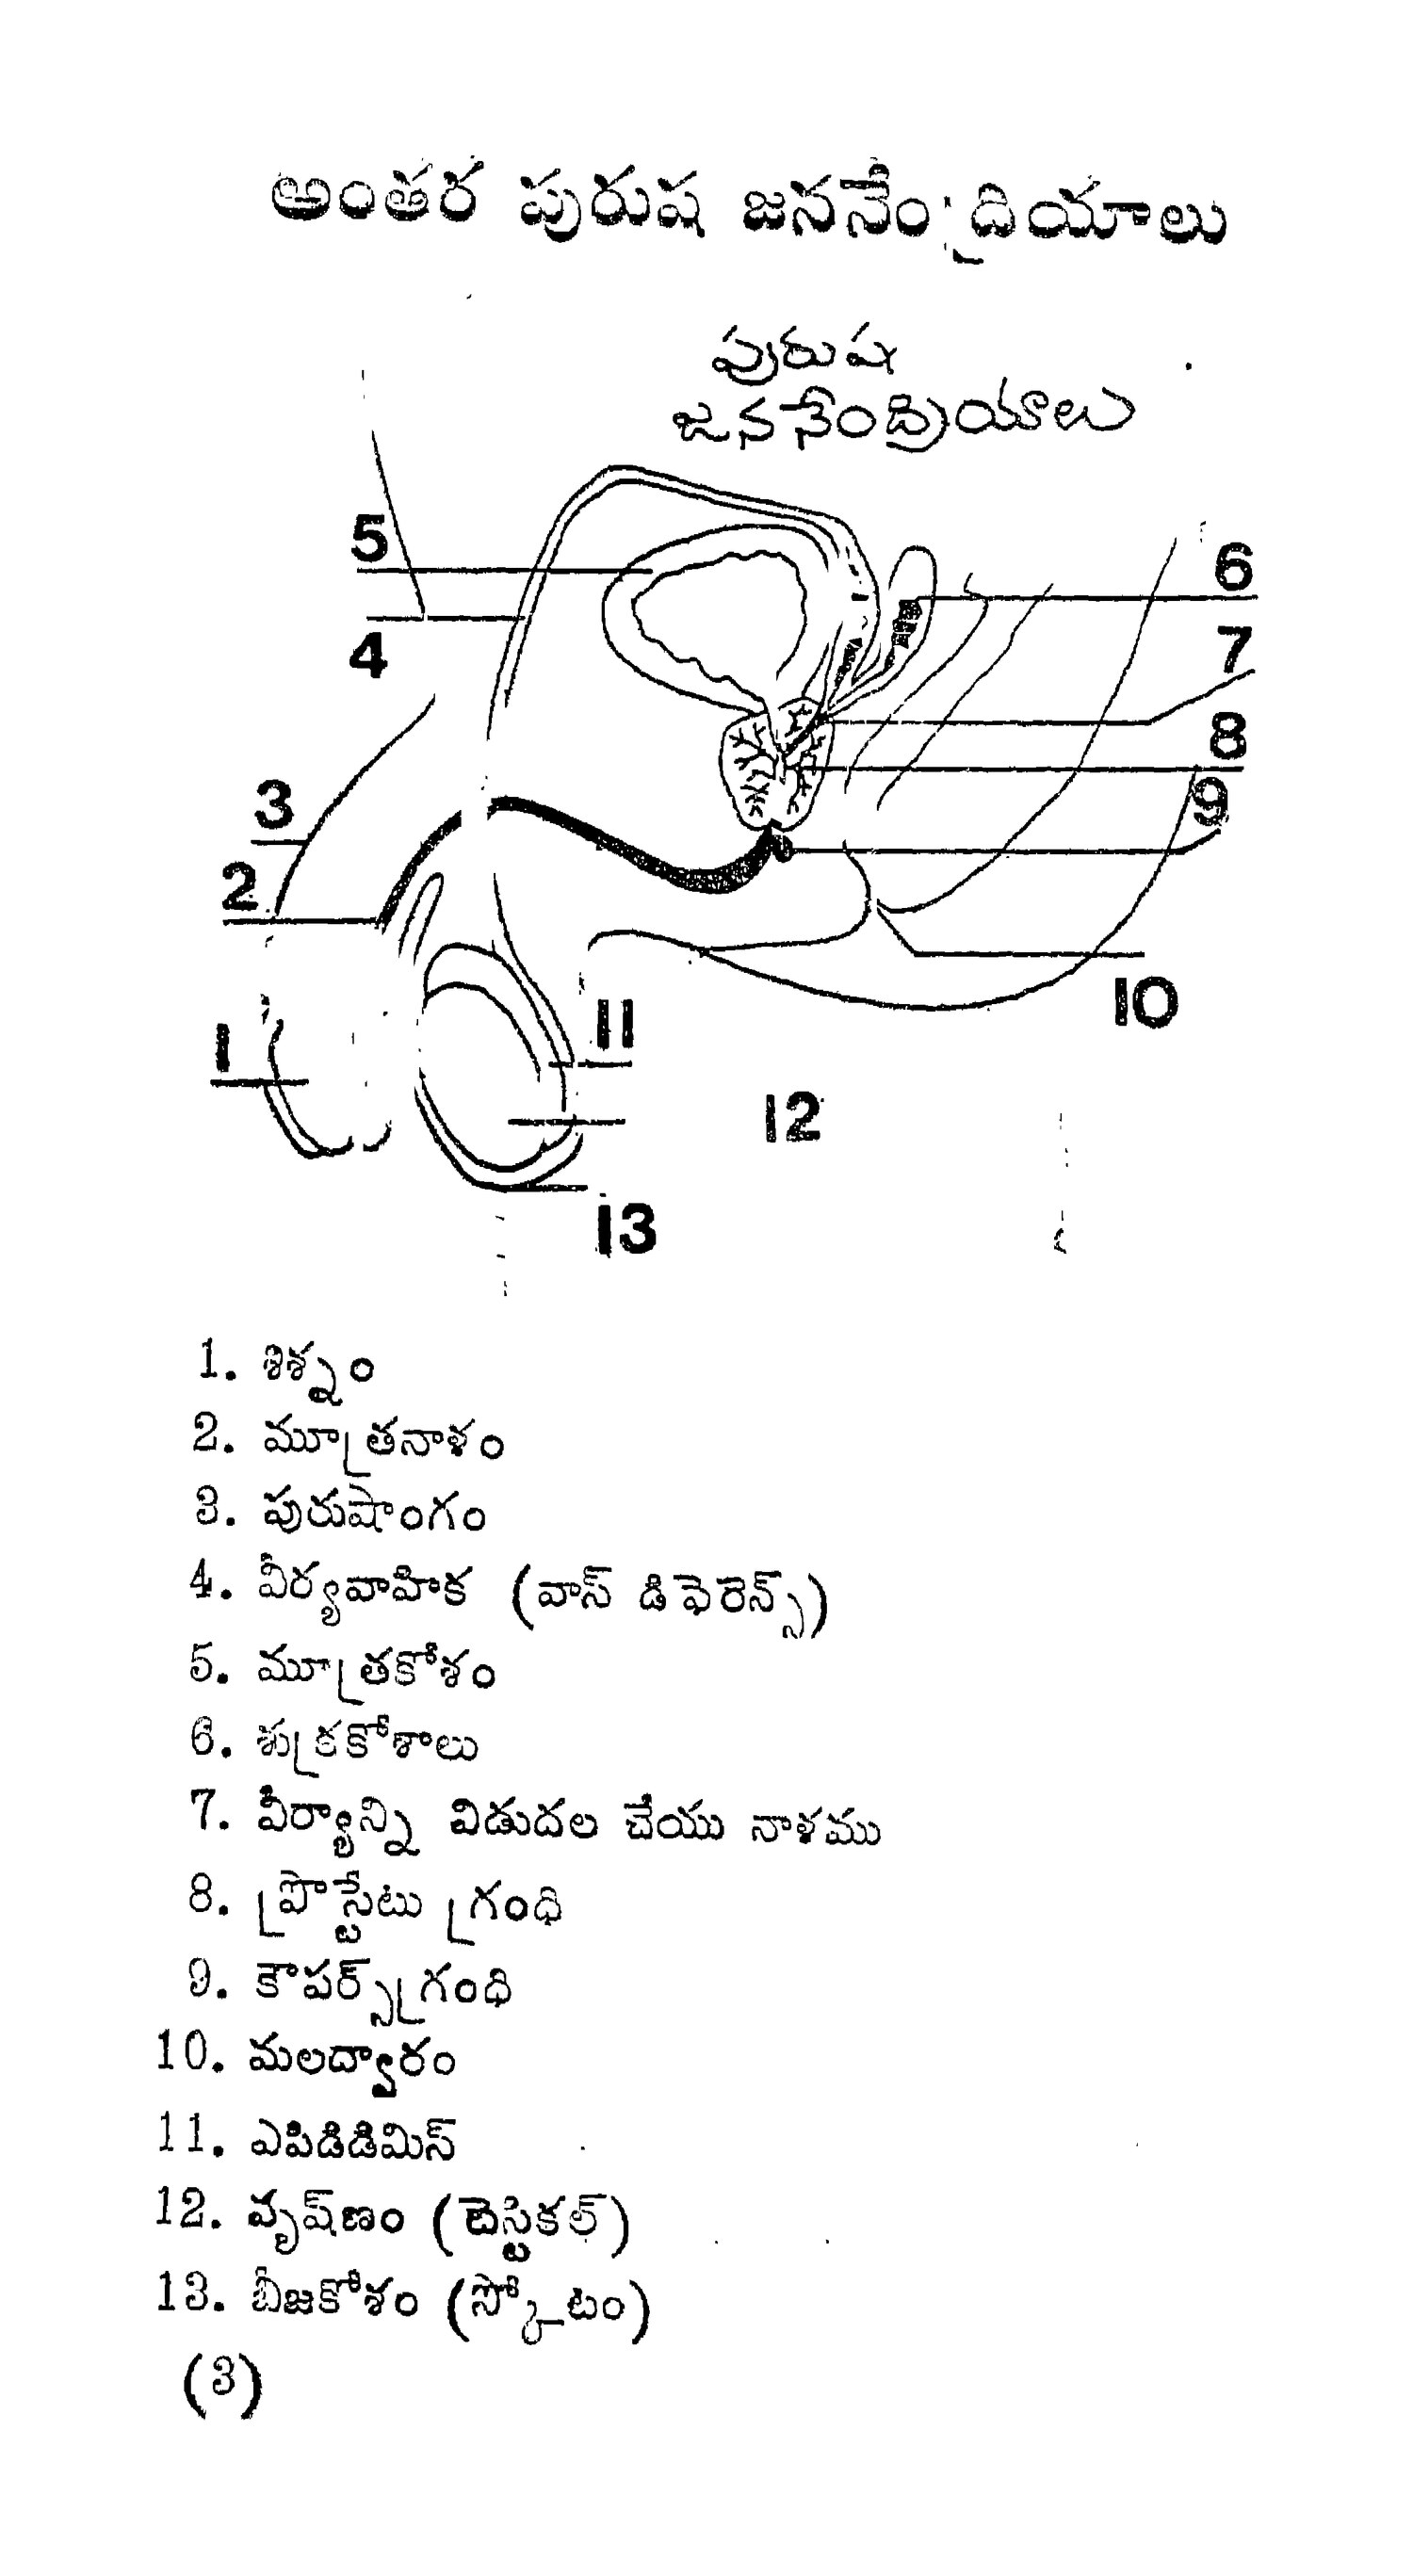1.శిశ్నం

2. మూత్రనాళం

3. పురుషాంగం

4. వీర్యవాహిక (వాస్ డిఫెరెన్స్)

5. మూత్రకోశం

6. శుక్రకోశాలు

7. వీర్యాన్ని విడుదల చేయు నాళము

8. ప్రొస్టేటు గ్రంధి

9. కౌపర్స్‌గ్రంధి

10. మలద్వారం

11. ఎపిడిడిమిస్

12. వృష్‌ణం (టెస్టికల్)

13 బీజకోశం (స్కోటం)